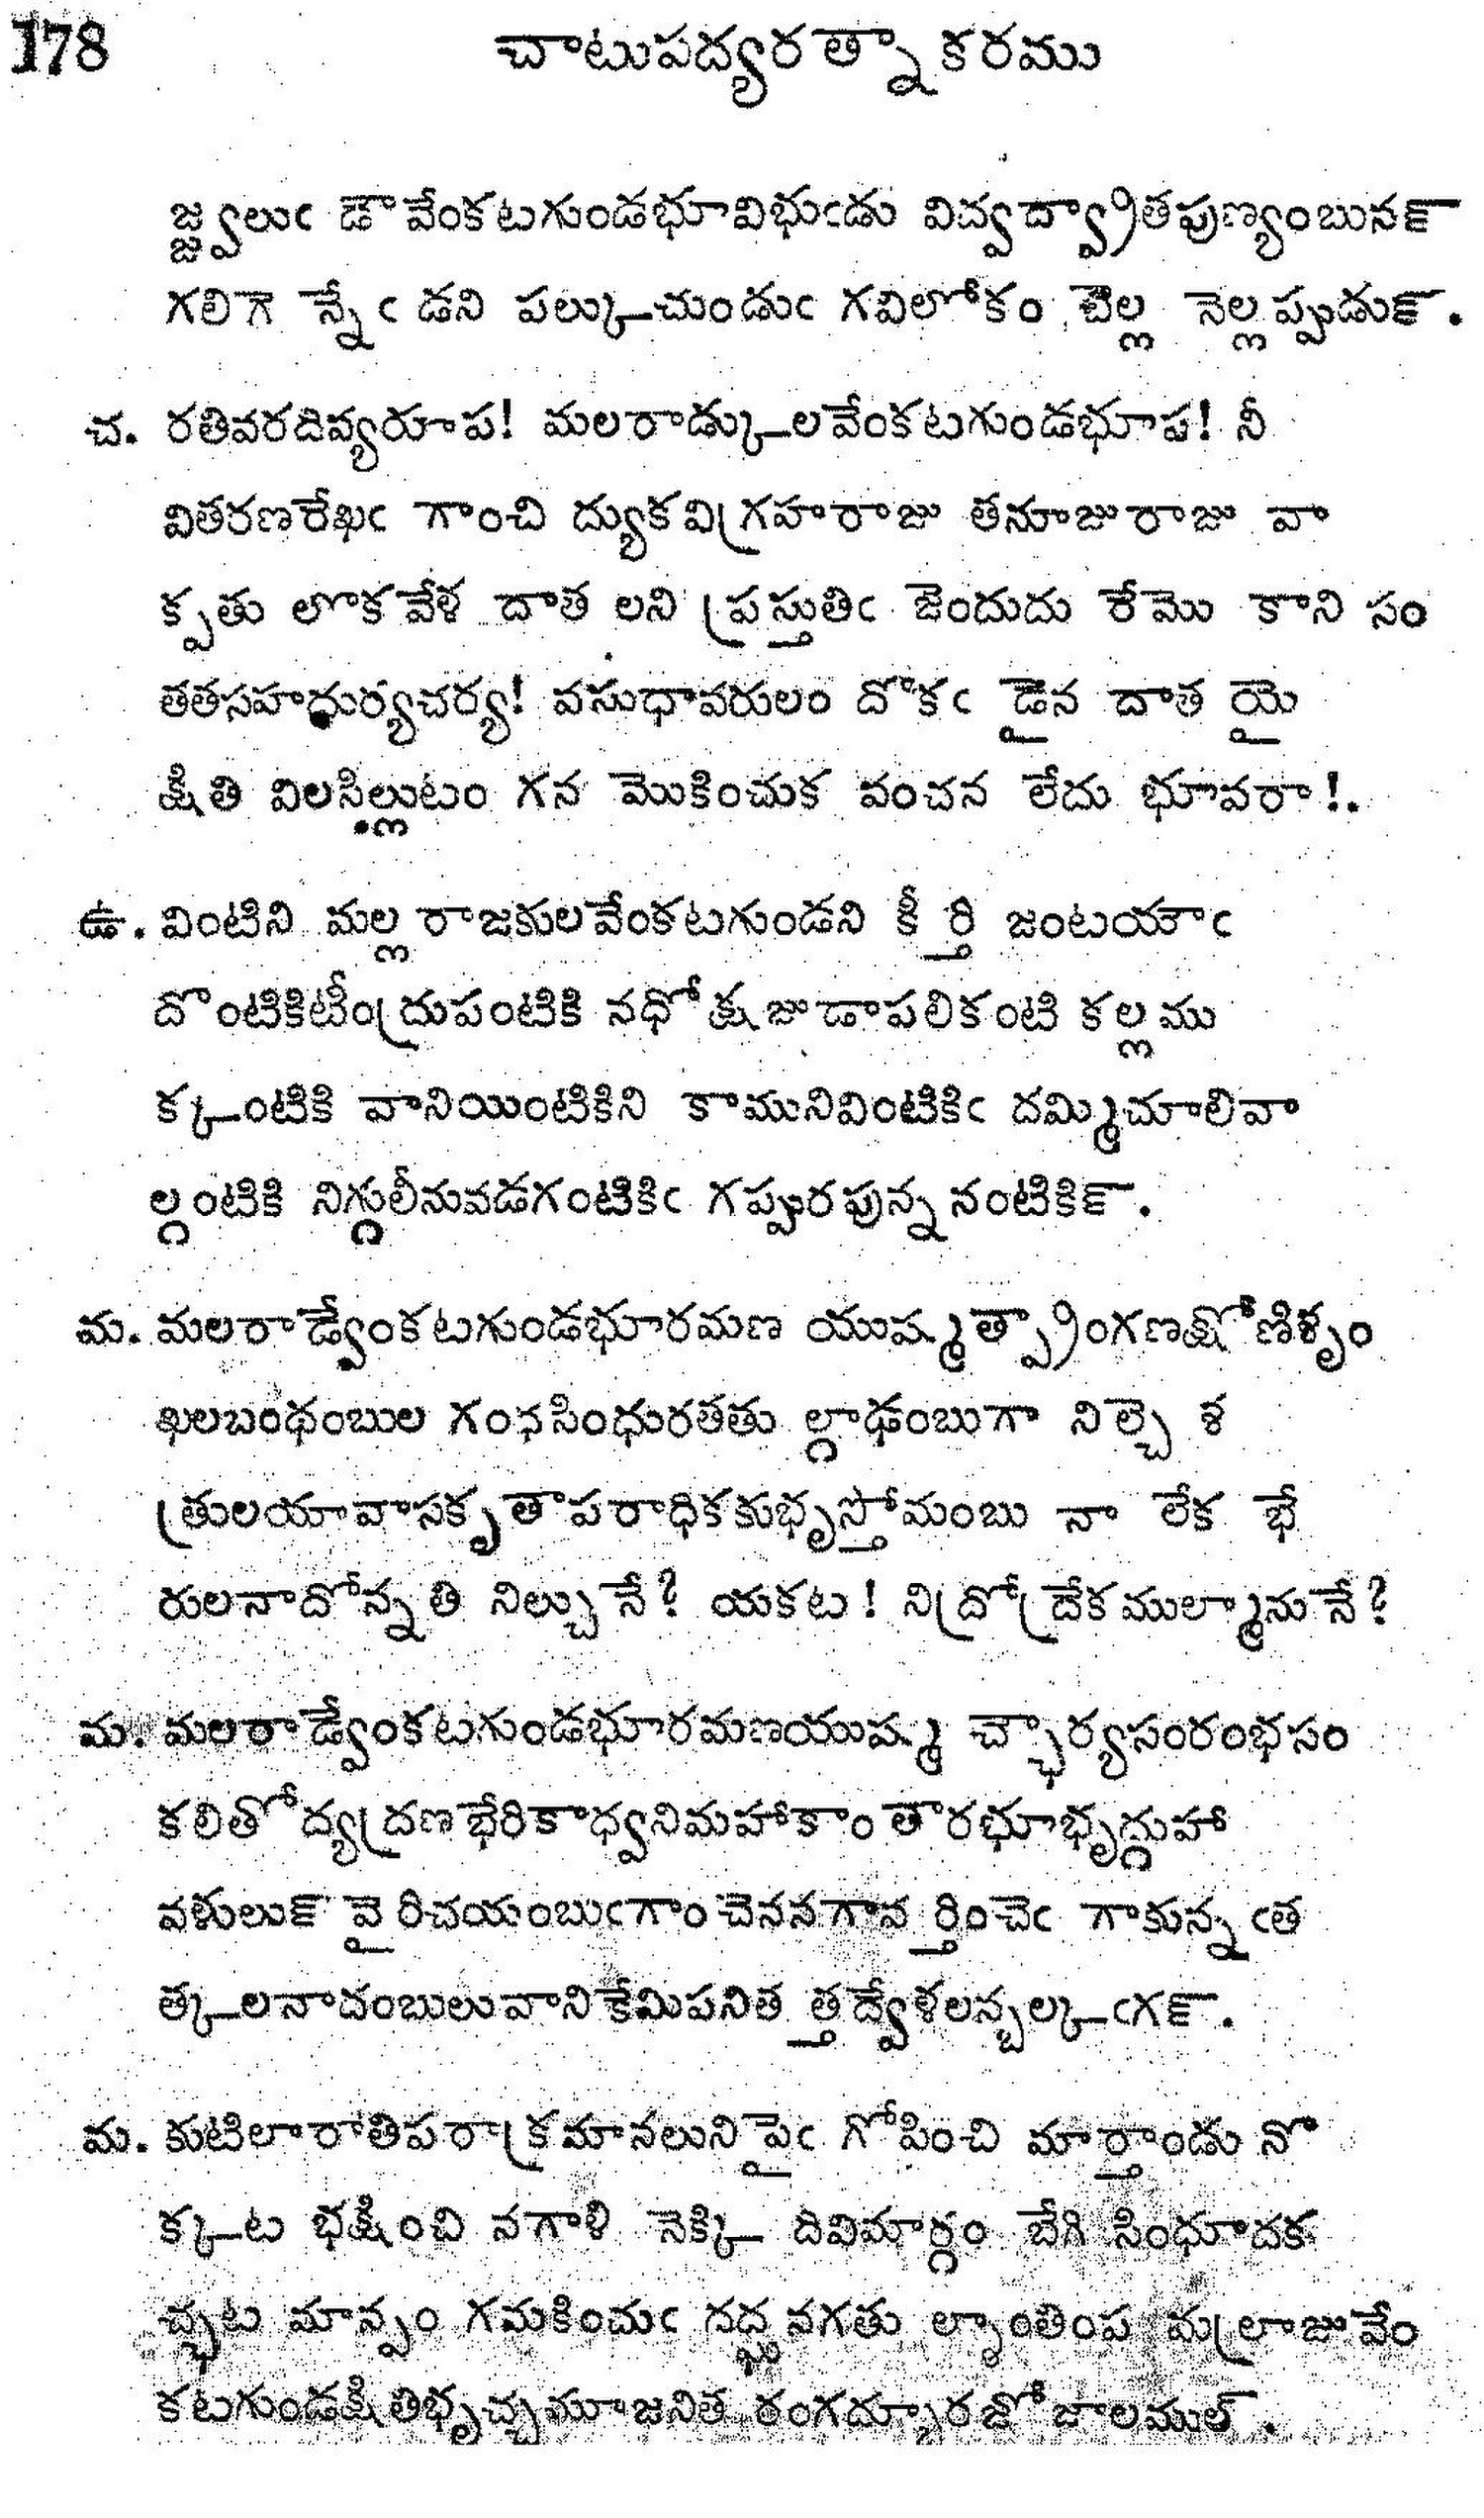జ్జ్వలుఁ డౌ వేంకటగుండభూవిభుఁడు విద్వద్వ్రాతపుణ్యంబునన్
 గలిగె న్నేఁ డని పల్కుచుండుఁ గవిలోకం బెల్ల నెల్లప్పుడున్.

చ. రతివరదివ్యరూప! మలరాడ్కులవేంకటగుండభూప! నీ
 వితరణరేఖఁ గాంచి ద్యుకవిగ్రహరాజు తనూజురాజు వా
 క్పతు లొకవేళ దాత లని ప్రస్తుతిఁ జెందుదు రేమొ కాని సం
 తతసహదుర్యచర్య! వసుధావరులం దొకఁ డైన దాత యై
 క్షితి విలసిల్లుటం గన మొకించుక వంచన లేదు భూవరా!

ఉ. వింటిని మల్లరాజకులవేంకటగుండని కీర్తి జంటయౌఁ
 దొంటికిటీంద్రుపంటికి నధోక్షజుడాపలికంటి కల్లము
 క్కంటికి వానియింటికిని కామునివింటికిఁ దమ్మిచూలివా
 ల్గంటికి నిగ్గులీనువడగంటికిఁ గప్పురపున్ననంటికిన్.

మ. మలరాడ్వేంకటగుండభూరమణ యుష్మత్ప్రాగణక్షోణిశృం
 ఖలబంధంబుల గంధసింధురతతు ల్గాఢంబుగా నిల్చె శ
 త్రులయావాసకృతాపరాధికకుభృస్తోమంబు నా లేక భే
 రులనాదోన్నతి నిల్చునే? యకట! నిద్రోద్రేకము ల్మానునే?

మ. మలరాడ్వేంకటగుండభూరమణ యుష్మచ్ఛౌర్యసంరంభసం
 కలితోద్యద్రణభేరికాధ్వని మహాకాంతారభూభృద్గుహా
 వళులున్ వైరిచయంబుఁ గాంచెననగా వర్చించెఁ గాకున్నఁ త
 త్కులనాదంబులు వానికేమి పని తత్తద్వేళల న్బల్కఁగన్.

మ. కుటిలారాతిపరాక్రమానలునిపైఁ గోపించి మార్తాండు నొ
 క్కట భక్షించి నగాళి నెక్కి దివిమార్గం బేగి సింధూదక
 చ్ఛట మాన్పం గమకించుఁ దద్ఘనగతు ల్శాంతింప మల్రాజువేం
 కటగుండక్షితిభృచ్ఛమూజనితరంగద్భూరజోజాలముల్.